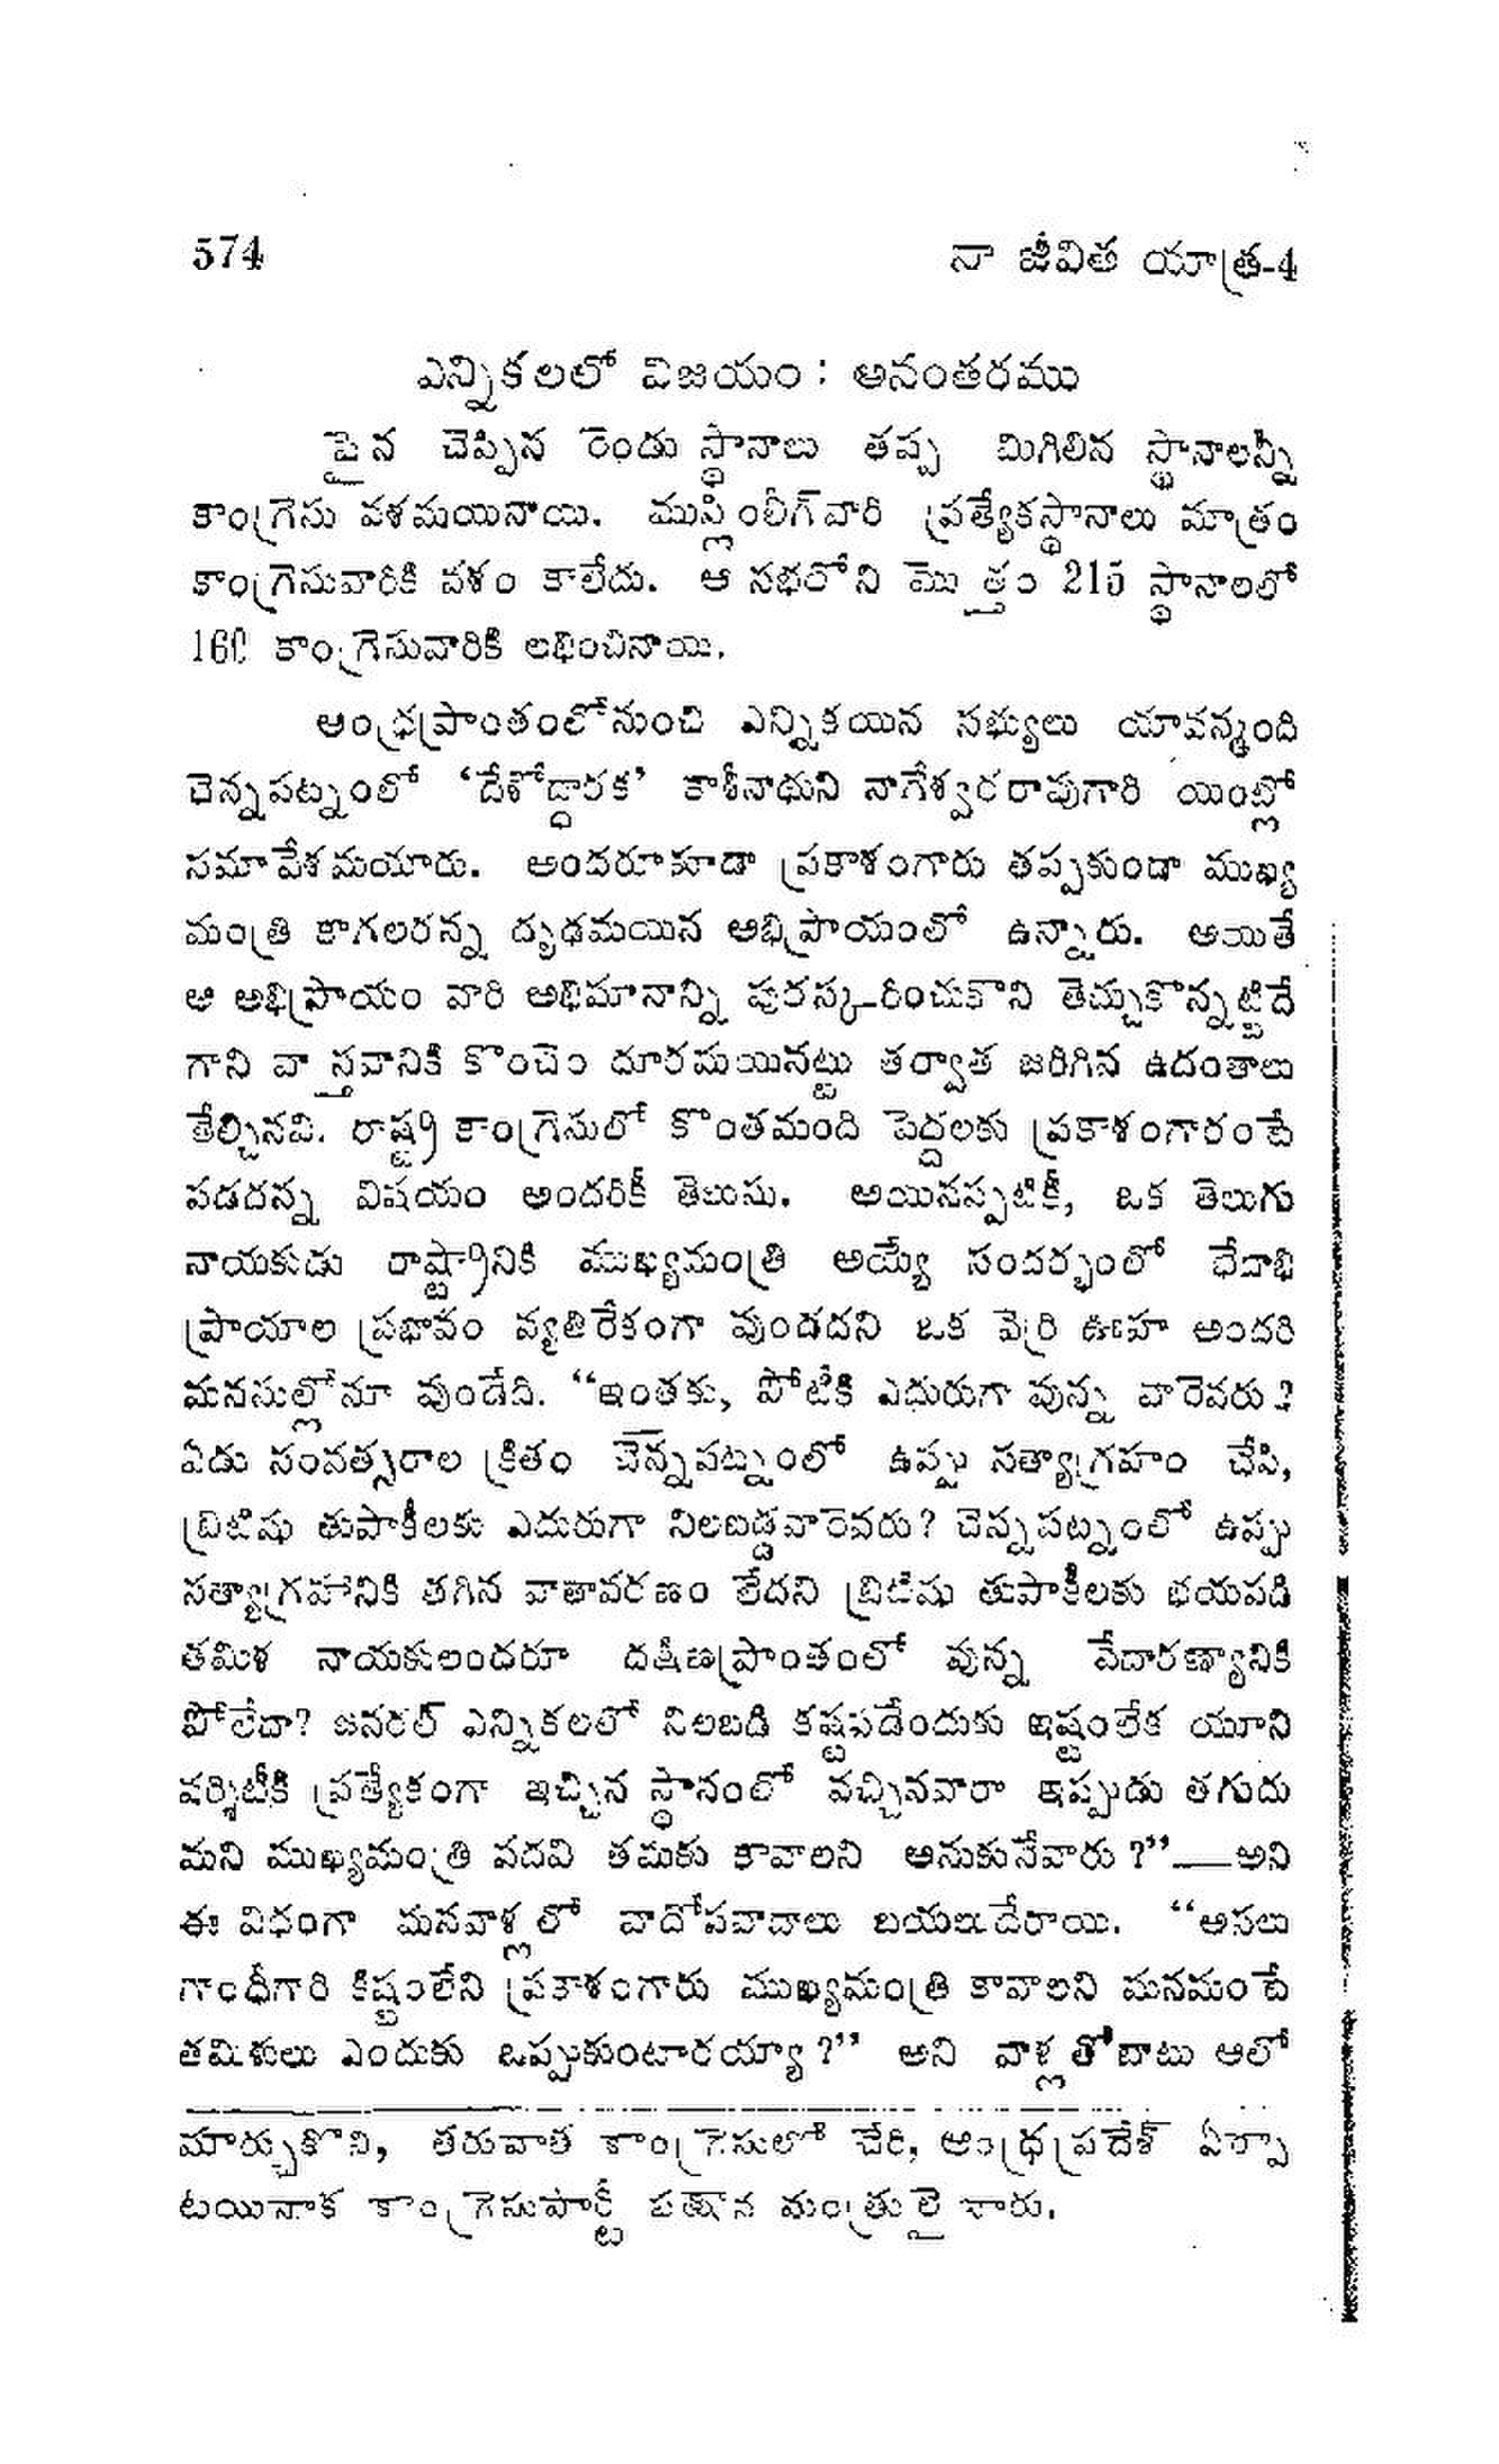పైన చెప్పిన రెండు స్థానాలు తప్ప మిగినిన స్థానాలన్నీ కాంగ్రెసు వశమయినాయి. ముస్లింలీగ్‌ వారి ప్రత్యేకస్థానాలు మాత్రం కాంగ్రెసువారికి వశం కాలేదు. ఆ సభలోని మొత్తం 215 స్థానాలలో 160 కాంగ్రెసువారికి లభించినాయి.

ఆంధ్రప్రాంతంలోనుంచి ఎన్నికయిన సభ్యులు యావన్మంది చెన్నపట్నంలో 'దేశోద్దారక' కాశీనాథుని నాగేశ్వరరావుగారి యింట్లో సమావేశమయారు. అందరూకూడా ప్రకాశంగారు తప్పకుండా ముఖ్యమంత్రి కాగలరన్న దృఢమయిన అభిప్రాయంలో ఉన్నారు. అయితే ఆ అభిప్రాయం వారి అభిమానాన్ని పురస్కరించుకొని తెచ్చుకొన్నట్టిదే గాని వాస్తవానికి కొంచెం దూరమయినట్టు తర్వాత జరిగిన ఉదంతాలు తేల్చినవి. రాష్ట్ర కాంగ్రెసులో కొంతమంది పెద్దలకు ప్రకాశంగారంటే పడదన్న విషయం అందరికీ తెలుసు. అయినప్పటికీ, ఒక తెలుగు నాయకుడు రాష్ట్రానికి ముఖ్యమంత్రి అయ్యే సందర్భంలో భేదాభిప్రాయాల ప్రభావం వ్యతిరేకంగా వుండదని ఒక వెర్రి ఊహ అందరి మనస్సుల్లోనూ వుండేది. "ఇంతకు, పోటీకి ఎదురుగా వున్న వారెవరు? ఏడు సంవత్సరాల క్రితం చెన్నపట్నంలో ఉప్పు సత్యాగ్రహం చేసి, బ్రిటిషు తుపాకీలకు ఎదురుగా నిలబడ్డవారెవరు? చెన్నపట్నంలో ఉప్పు సత్యాగ్రహానికి తగిన వాతావరణం లేదని బ్రిటిషు తుపాకీలకు భయపడి తమిళ నాయకులందరూ దక్షిణప్రాంతంలో వున్న వేదారణ్యానికి పోలేదా? జనరల్ ఎన్నికలలో నిలబడి కష్టపడేందుకు ఇష్టంలేక యూనివర్శిటీకి ప్రత్యేకంగా ఇచ్చిన స్థానంలో వచ్చినవారా ఇప్పుడు తగుదుమని ముఖ్యమంత్రి పదవి తమకు కావాలని అనుకునేవారు?" - అని ఈ విధంగా మనవాళ్లలో వాదోపవాదాలు బయలుదేరాయి. "అసలు గాంధీగారి కిష్టంలేని ప్రకాశంగారు ముఖ్యమంత్రి కావాలని మనమంటే తమిళులు ఎందుకు ఒప్పుకుంటారయ్యా?" అని వాళ్లతో బాటు ఆలో